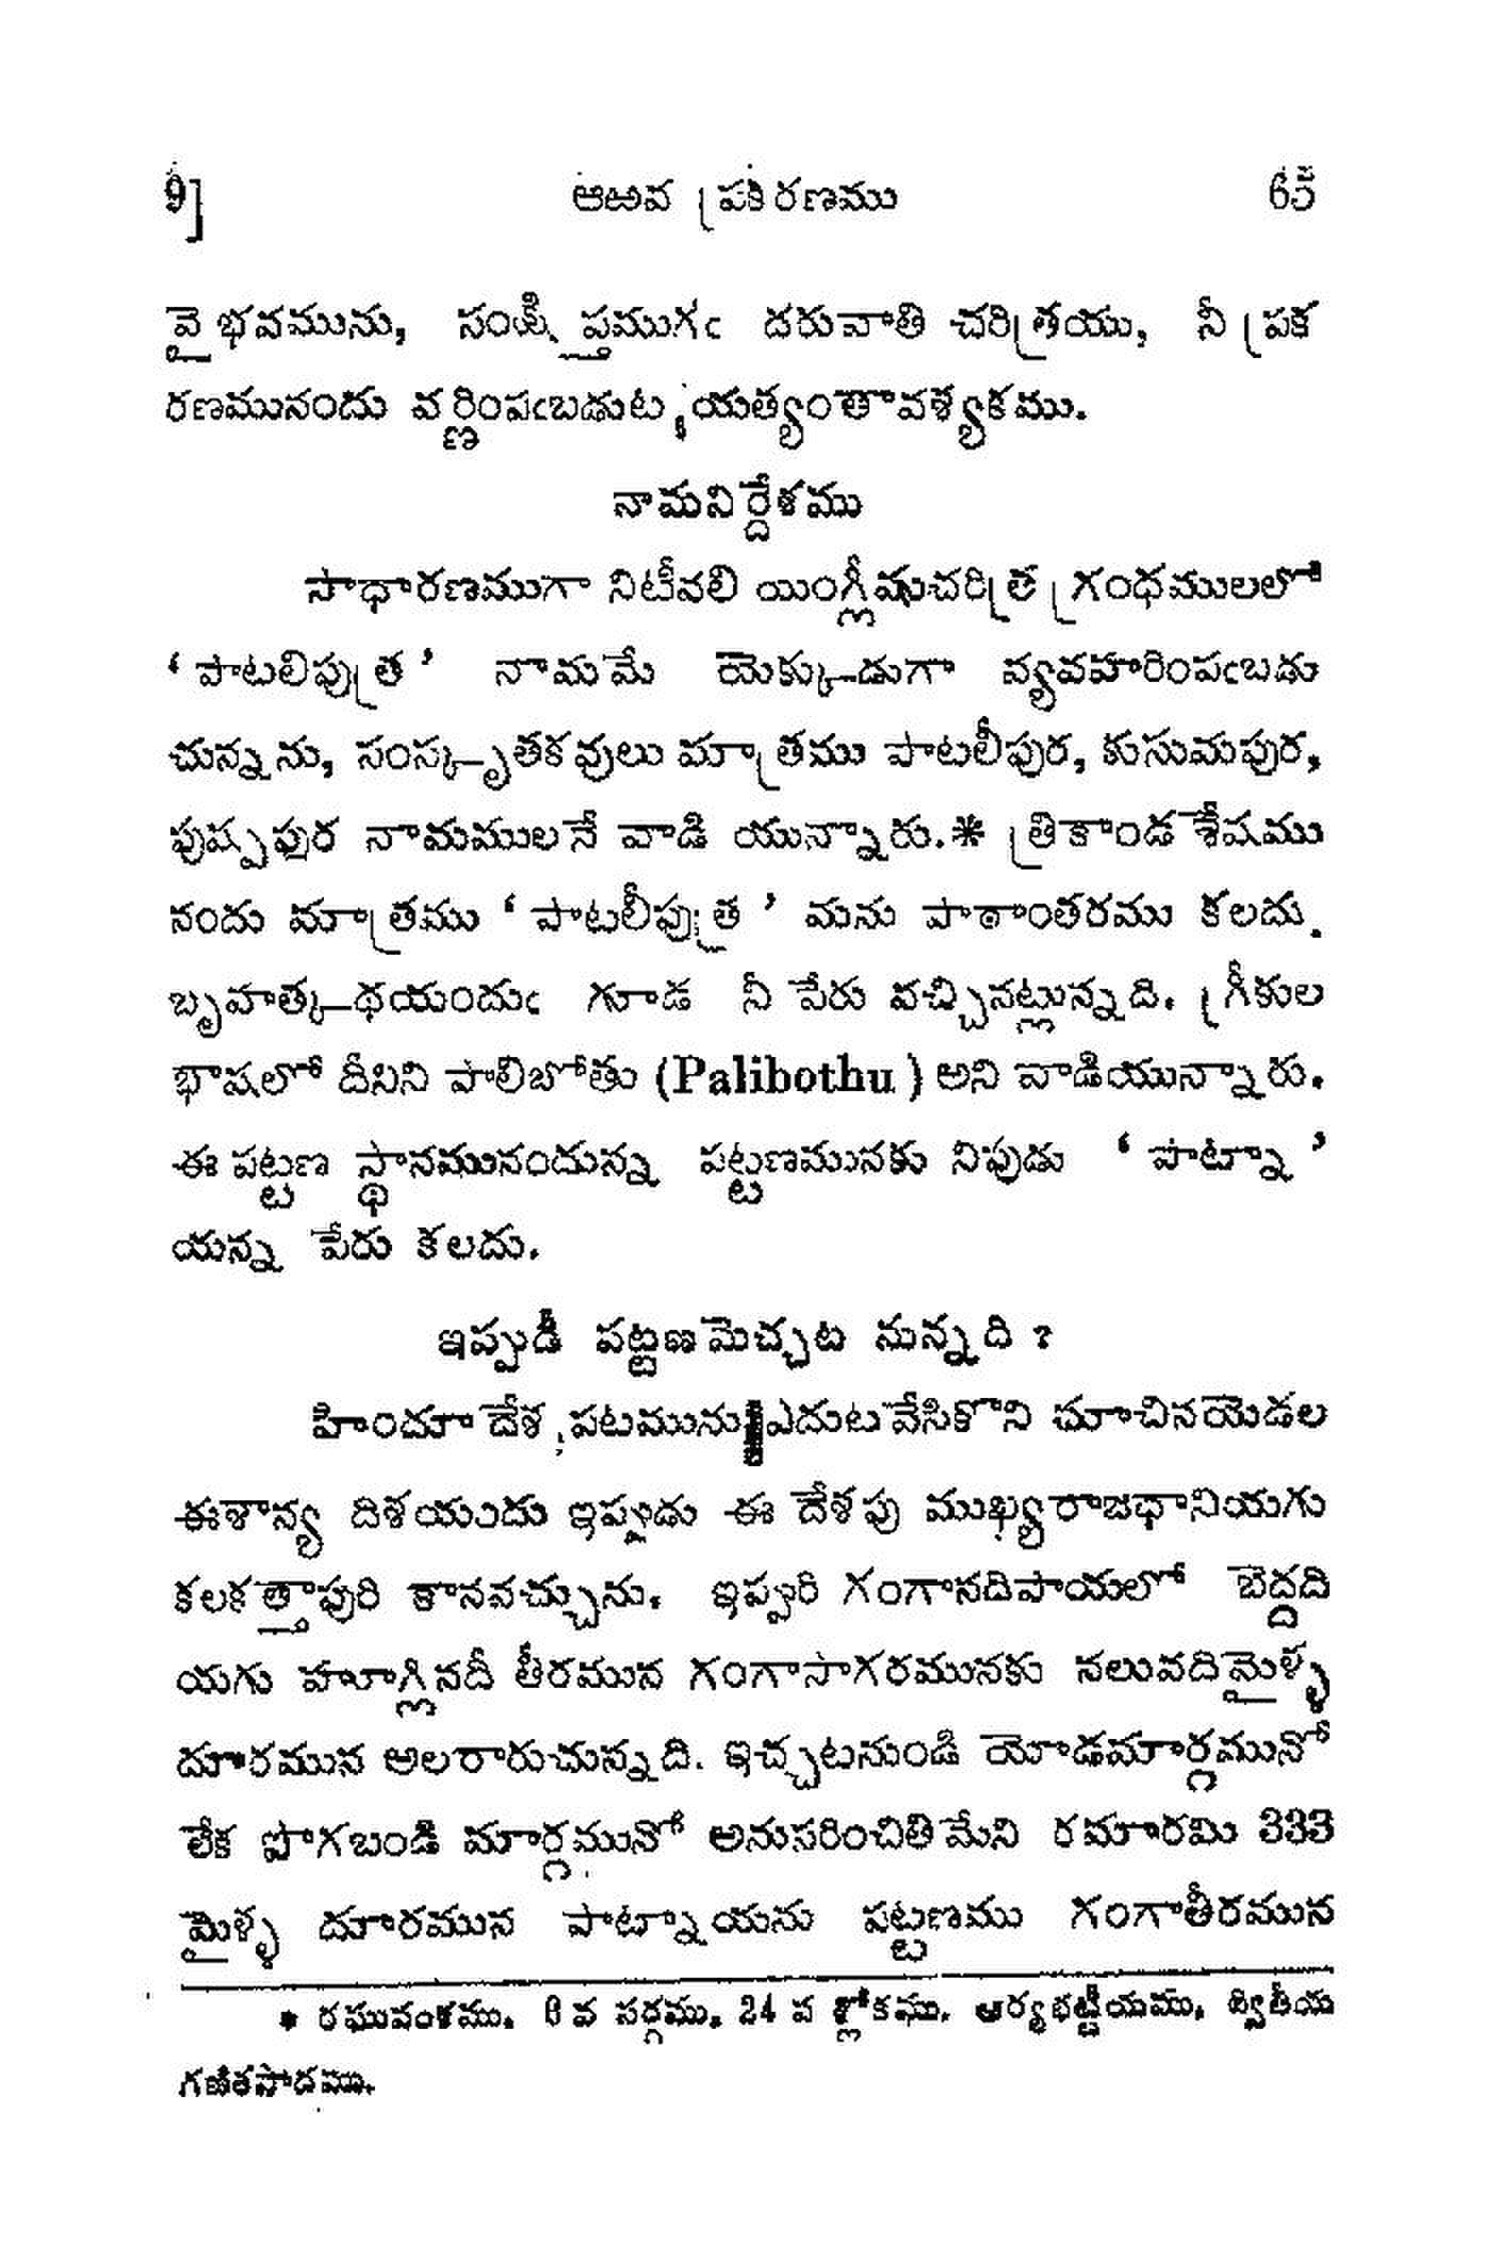వైభవమును, సంక్షిప్తముగఁ దరువాతి చరిత్రయు, నీ ప్రకరణమునందు వర్ణింపఁబడుట యత్యంతావశ్యకము.

నామనిర్దేశము 

సాధారణముగా నిటీవలి యింగ్లీషుచరిత్ర గ్రంధములలో 'పాటలిపుత్ర' నామమే యెక్కుడుగా వ్యవహరింపఁబడు చున్నను, సంస్కృతకవులు మాత్రము పాటలీపుర, కుసుమపుర, పుష్పపుర నామములనే వాడి యున్నారు.* త్రికాండ శేషమునందు మాత్రము 'పాటలీపుత్ర' మను పాఠాంతరము కలదు. బృహత్కథయందుఁ గూడ నీ పేరు వచ్చినట్లున్నది. గ్రీకుల భాషలో దీనిని పాలిబోతు (Palibothu ) అని వాడియున్నారు. ఈ పట్టణ స్థానమునందున్న పట్టణమునకు నిపుడు 'పొట్నా' యన్న పేరు కలదు.

ఇప్పుడీ పట్టణమెచ్చట నున్నది? 

హిందూదేశ పటమును ఎదుట వేసికొని చూచినయెడల ఈశాన్య దిశయందు ఇప్పుడు ఈ దేశపు ముఖ్య రాజధానియగు కలకత్తాపురి కానవచ్చును. ఇప్పురి గంగానది పాయలో బెద్దదియగు హూగ్లినదీ తీరమున గంగాసాగరమునకు నలువది మైళ్ళ దూరమున అలరారుచున్నది. ఇచ్చటనుండి యోడమార్గమునో లేక పొగబండి మార్గమునో అనుసరించితిమేని రమారమి 333 మైళ్ళ దూరమున పాట్నా యను పట్టణము గంగాతీరమున